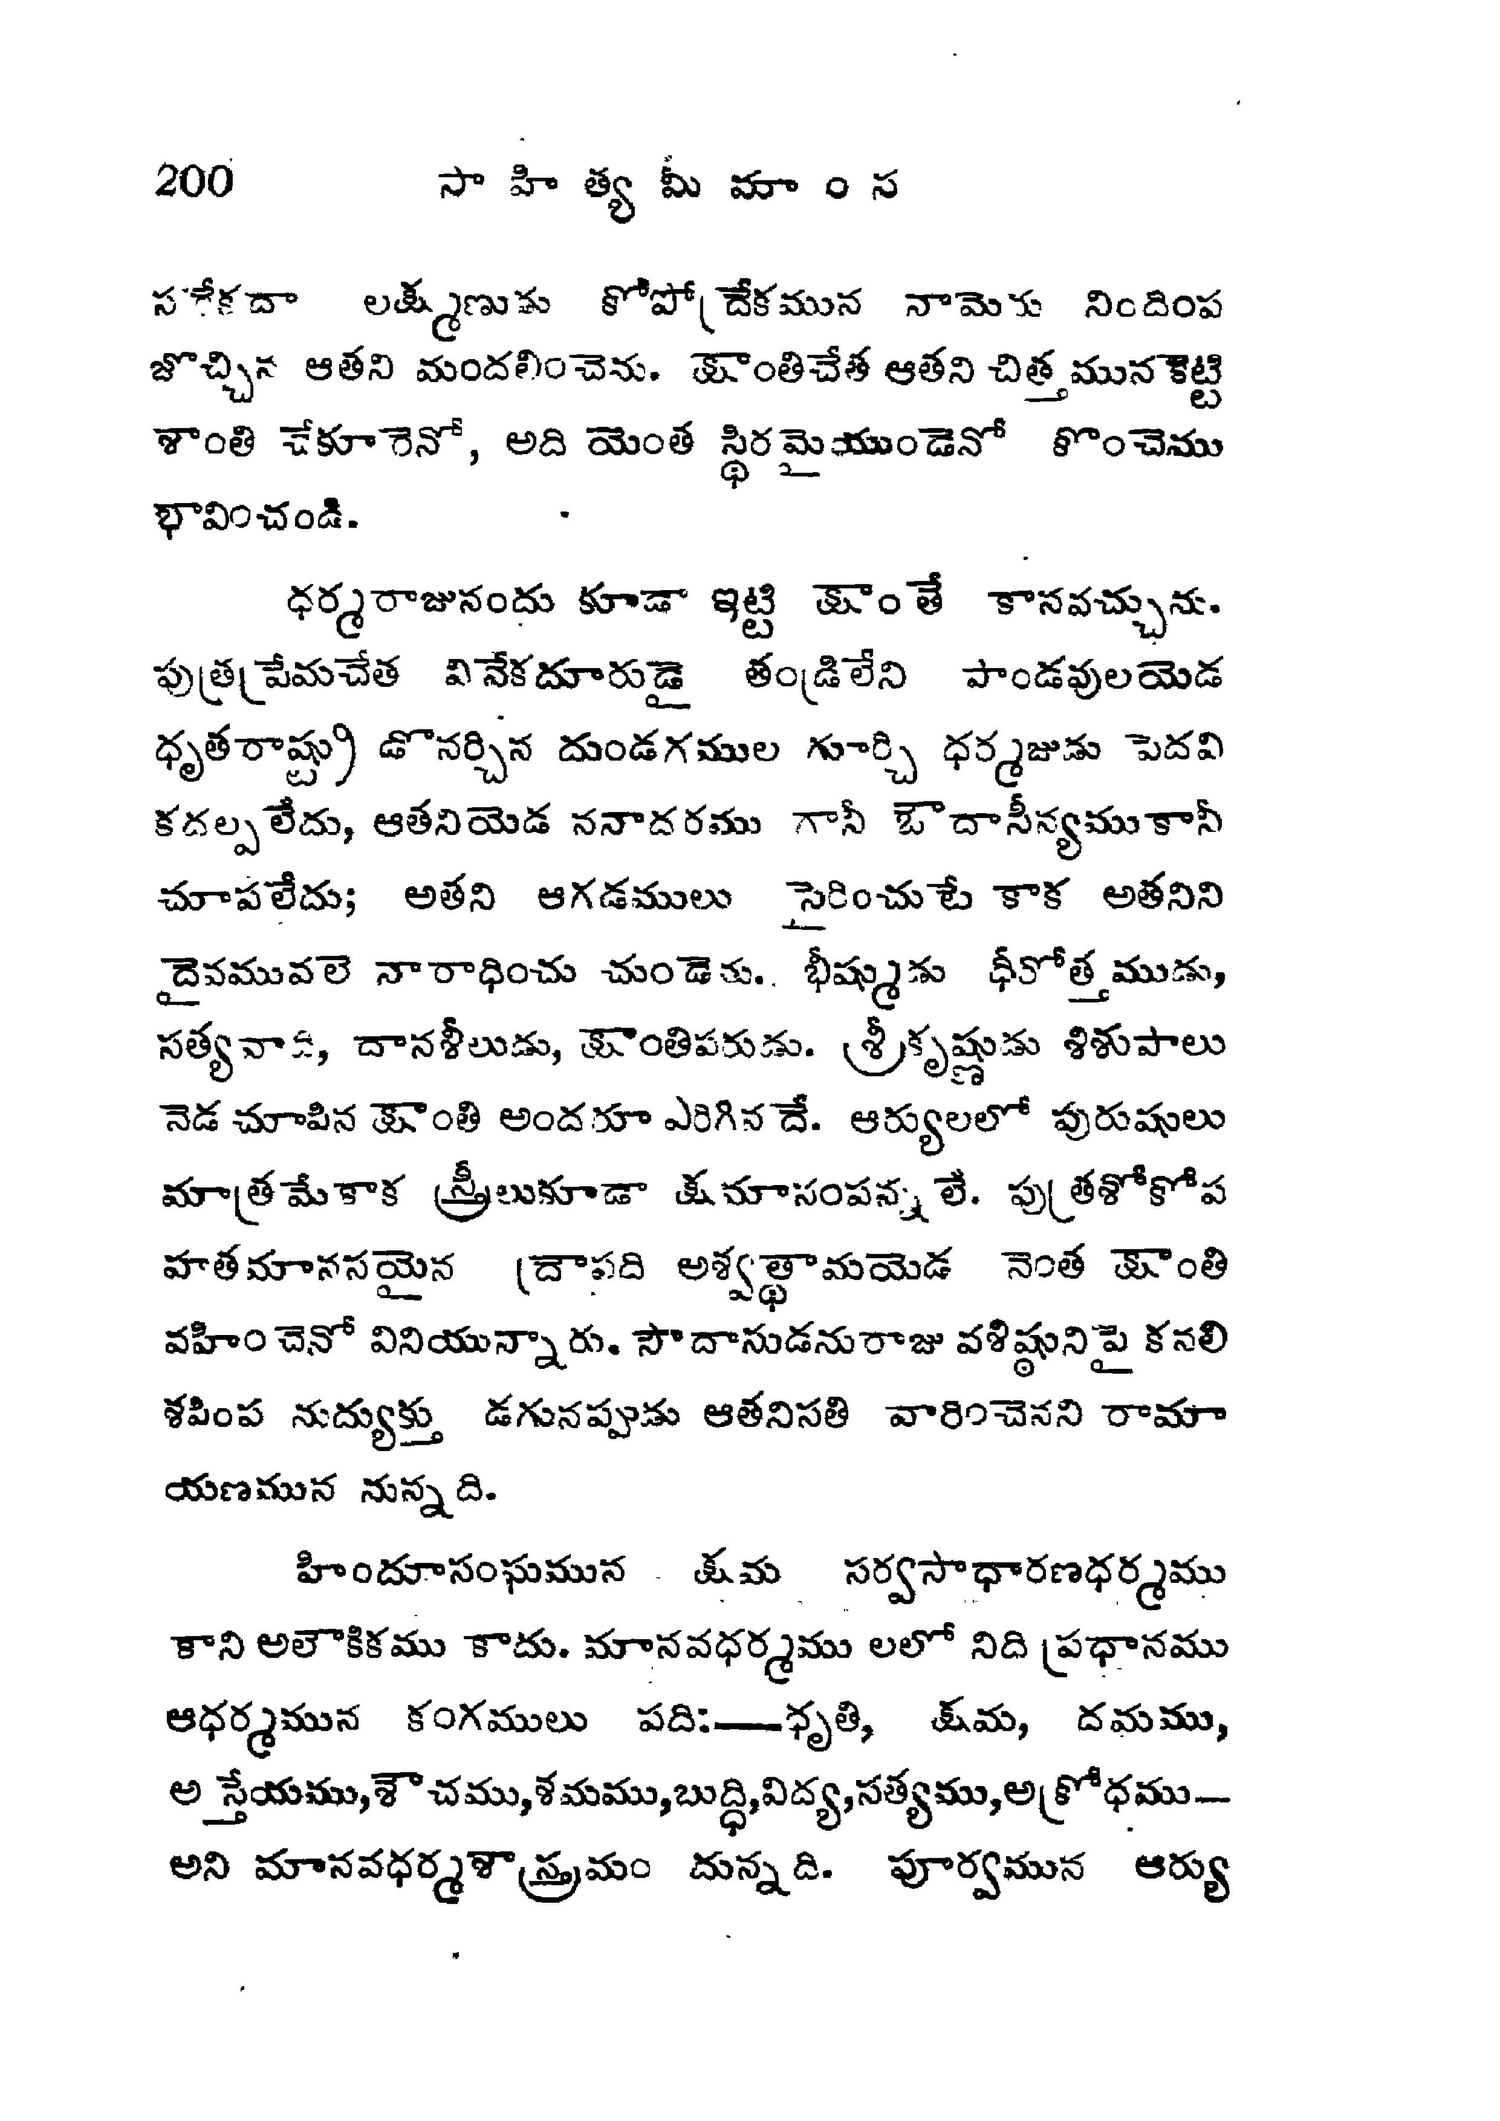సరేకదా లక్ష్మణుడు కోపోద్రేకమున నామెను నిందింప జొచ్చిన ఆతని మందలించెను. క్షాంతిచేత ఆతని చిత్తమునకెట్టి శాంతి చేకూరెనో, అది యెంత స్థిరమైయుండెనో కొంచెము భావించండి.

ధర్మరాజునందు కూడా ఇట్టి క్షాంతే కానవచ్చును. పుత్రప్రేమచేత వివేకదూరుడై తండ్రిలేని పాండవులయెడ ధృతరాష్ట్రు డొనర్చిన దుండగముల గూర్చి ధర్మజుడు పెదవి కదల్ప లేదు, ఆతనియెడ ననాదరము గానీ ఔదాసీన్యముకానీ చూపలేదు; అతని ఆగడములు సైరించుటే కాక అతనిని దైవమువలె నారాధించు చుండెను. భీష్ముడు ధీరోత్తముడు, సత్యవాది, దానశీలుడు, క్షాంతిపరుడు. శ్రీకృష్ణుడు శిశుపాలు నెడ చూపిన క్షాంతి అందరూ ఎరిగినదే. ఆర్యులలో పురుషులు మాత్రమేకాక స్త్రీలుకూడా క్షమాసంపన్నలే, పుత్రశోకోప హతమానసయైన ద్రౌపది అశ్వత్థామయెడ నెంత క్షాంతి వహించెనో వినియున్నారు. సౌదానుడనురాజు వశిష్ఠునిపై కనలి శపింప నుద్యుక్తు డగునప్పుడు ఆతనిసతి వారించెనని రామాయాణమున నున్నది.

హిందూసంఘమున క్షమ సర్వసాధారణధర్మము కాని అలౌకికము కాదు. మానవధర్మము లలో నిది ప్రధానము ఆధర్మమున కంగములు పది : _ ధృతి, క్షమ, దమము, అస్తేయము, శౌచము, శమము, బుద్ధి, విద్య, సత్యము, అక్రోధము - అని మానవధర్మశాస్తమం దున్నది. పూర్వమున ఆర్యు